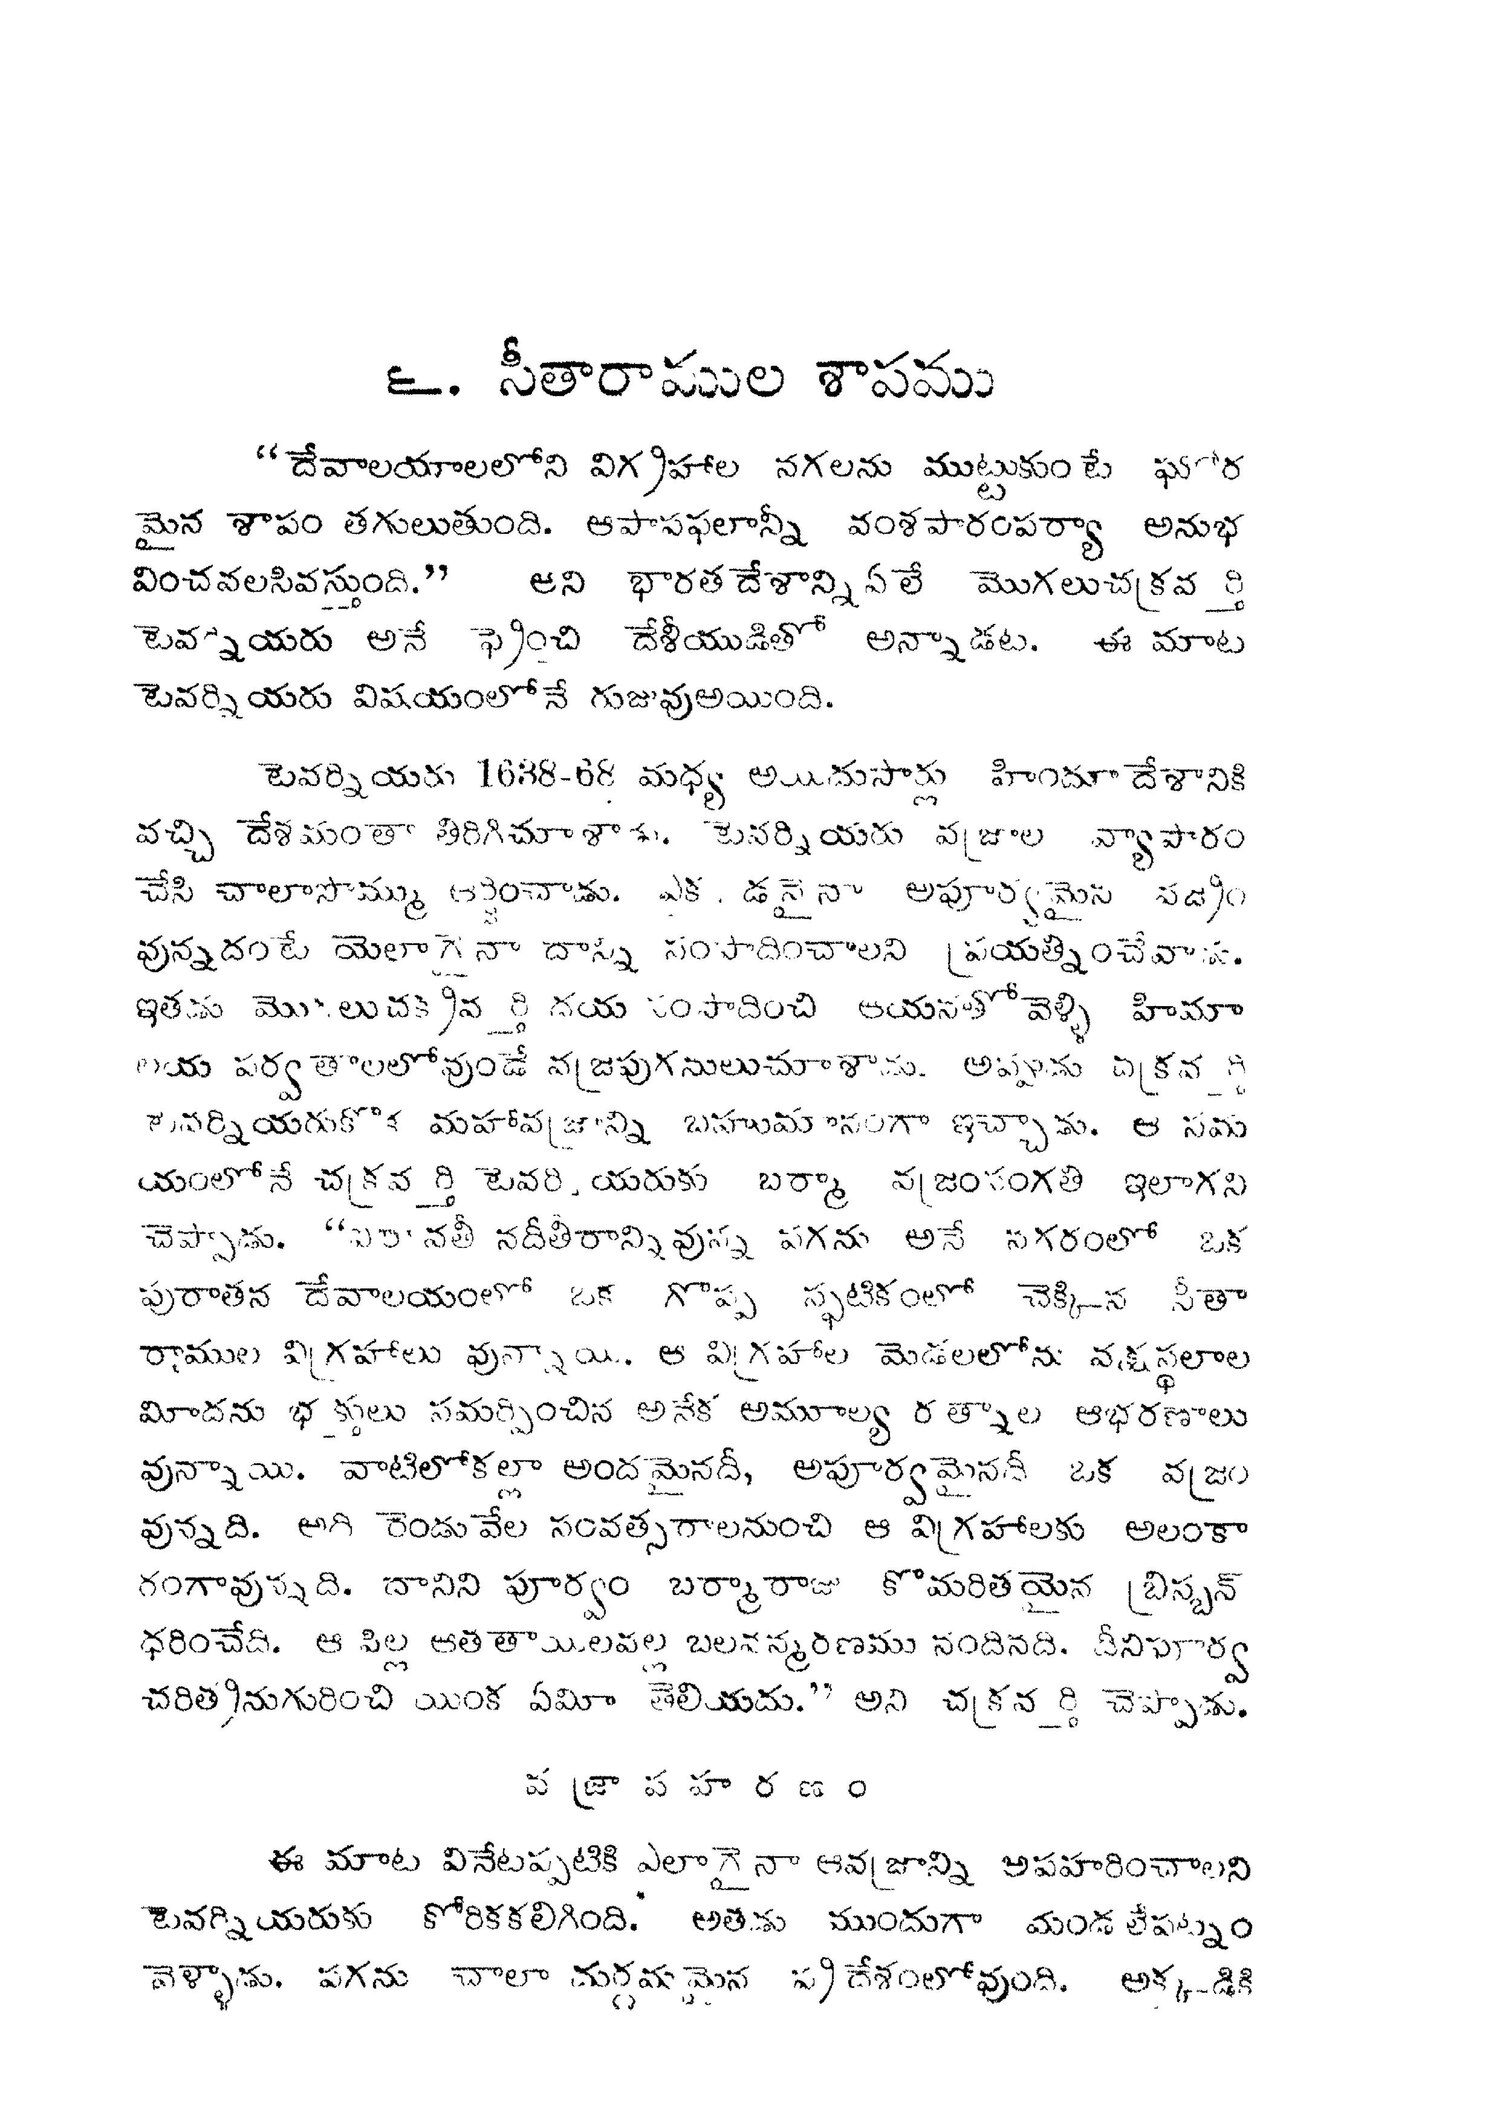"దేవాలయాలలోని విగ్రహాల నగలను ముట్టుకుంటే ఘోరమైన శాపం తగులుతుంది. ఆ పాపఫలాన్నీ వంశపారంపర్యా అనుభవించవలసివస్తుంది." అని భారతదేశాన్ని ఏలే మొగలుచక్రవర్తి టెవర్నియరు అనే ఫ్రెంచి దేశీయుడితో అన్నాడట. ఈ మాట టెవర్నియరు విషయంలోనే రుజువు అయింది.

టెవర్నియరు 1638-68 మధ్య అయిదుసార్లు హిందూదేశానికి వచ్చి దేశమంతా తిరిగిచూశాడు. టెవర్నియరు వజ్రాల వ్యాపారం చేసి చాలా సొమ్ము ఆర్జించాడు. ఎక్కడనైనా అపూర్వమైన వజ్రం వున్నదంటే యెలాగైనా దాన్ని సంపాదించాలని ప్రయత్నించేవాడు. ఇతడు మొగలుచక్రవర్తి దయ సంపాదించి ఆయనతో వెళ్ళి హిమాలయ పర్వతాలలో వుండే వజ్రపు గనులు చూశాడు. అప్పుడు చక్రవర్తి టెవర్నియరుకొక మహావజ్రాన్ని బహుమానంగా ఇచ్చాడు. ఆ సమయంలోనే చక్రవర్తి టెవర్నియరుకు బర్మా వజ్రం సంగతి ఇలాగని చెప్పాడు. "ఐరావతీ నదీతీరాన్నివున్న పగను అనే నగరంలో ఒక పురాతన దేవాలయంలో ఒక గొప్ప స్ఫటికంలో చెక్కిన సీతారాముల విగ్రహాలు వున్నాయి. ఆ విగ్రహాల మెడలలోను వక్షస్థలాల మీదను భక్తులు సమర్పించిన అనేక అమూల్య రత్నాల ఆభరణాలు వున్నాయి. వాటిలోకల్లా అందమైనదీ, అపూర్వమైనదీ ఒక వజ్రం వున్నది. అది రెండువేల సంవత్సరాల నుంచి ఆ విగ్రహాలకు అలంకారంగా వున్నది. దానిని పూర్వం బర్మారాజు కొమరితయైన బ్రిస్బన్ ధరించేది. ఆ పిల్ల ఆతతాయిలవల్ల బలవన్మరణము నందినది. దీని పూర్వచరిత్రను గురించి యింక ఏమీ తెలియదు." అని చక్రవర్తి చెప్పాడు.

ఈ మాట వినేటప్పటికి ఎలాగైనా ఆ వజ్రాన్ని అపహరించాలని టెవర్నియరుకు కోరిక కలిగింది. అతడు ముందుగా మండలేపట్నం వెళ్ళాడు. పగను చాలా దుర్గమమైన ప్రదేశంలో వుంది. అక్కడికి